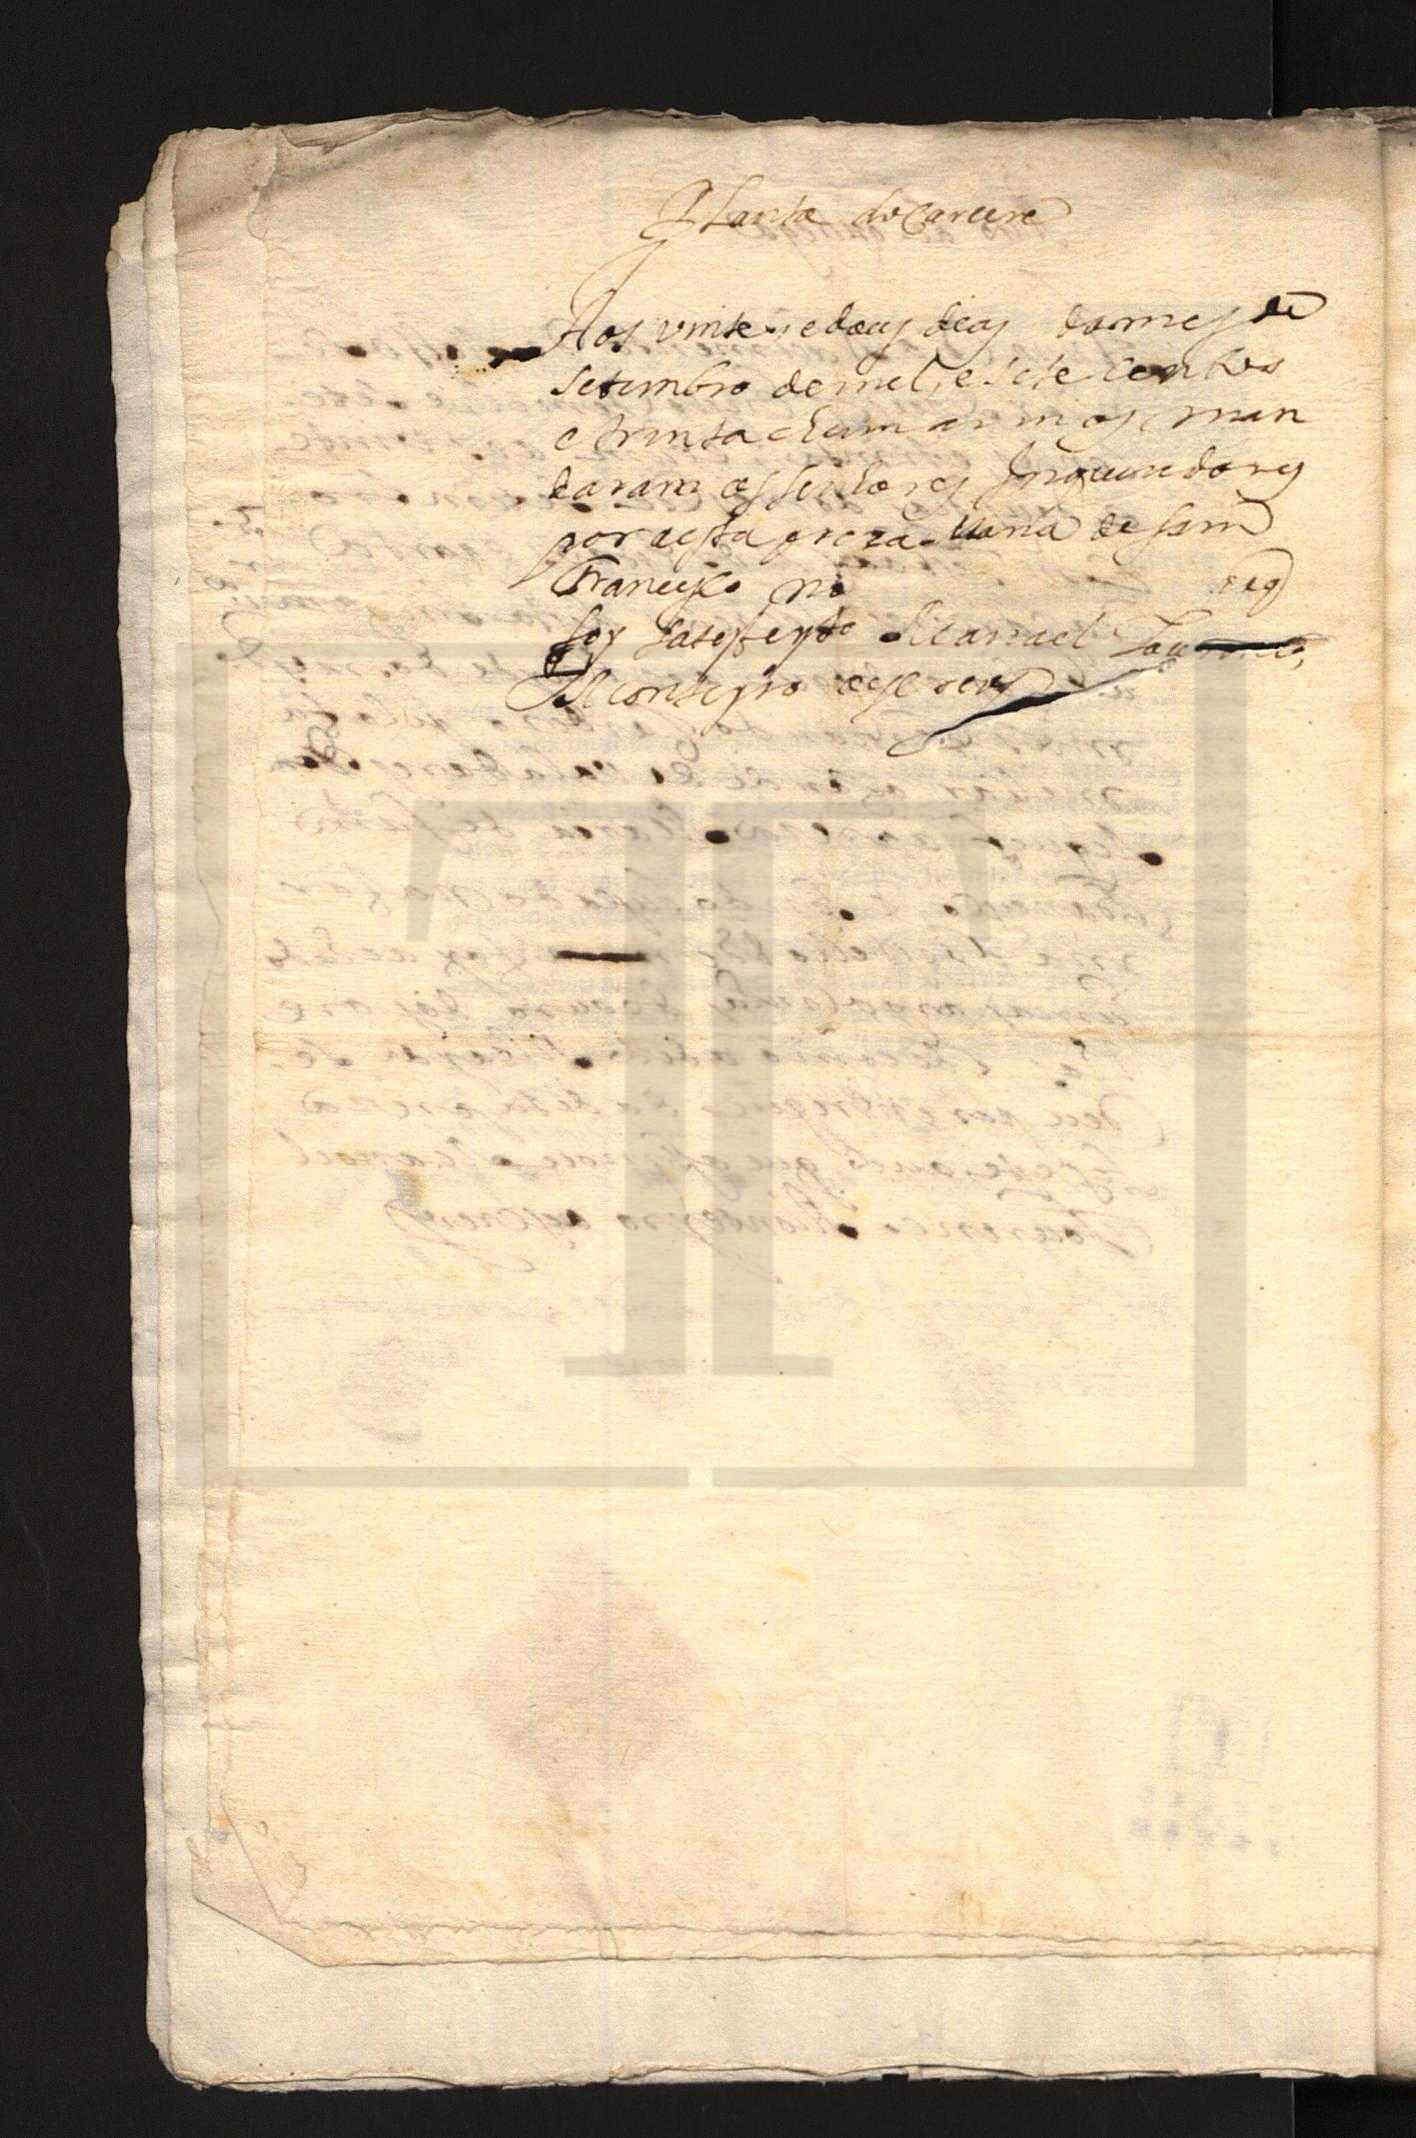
Planta do Carcere
Aos vinte e dous dias do mes de
setembro de mil e setecentos
e trinta e hum annos man
daram os senhores Jnquisidores
por a esta preza Maria de sam
e a q̄
Francisco no
foy satesfeyto Manoel Lou_
Monteyro o escrevj
